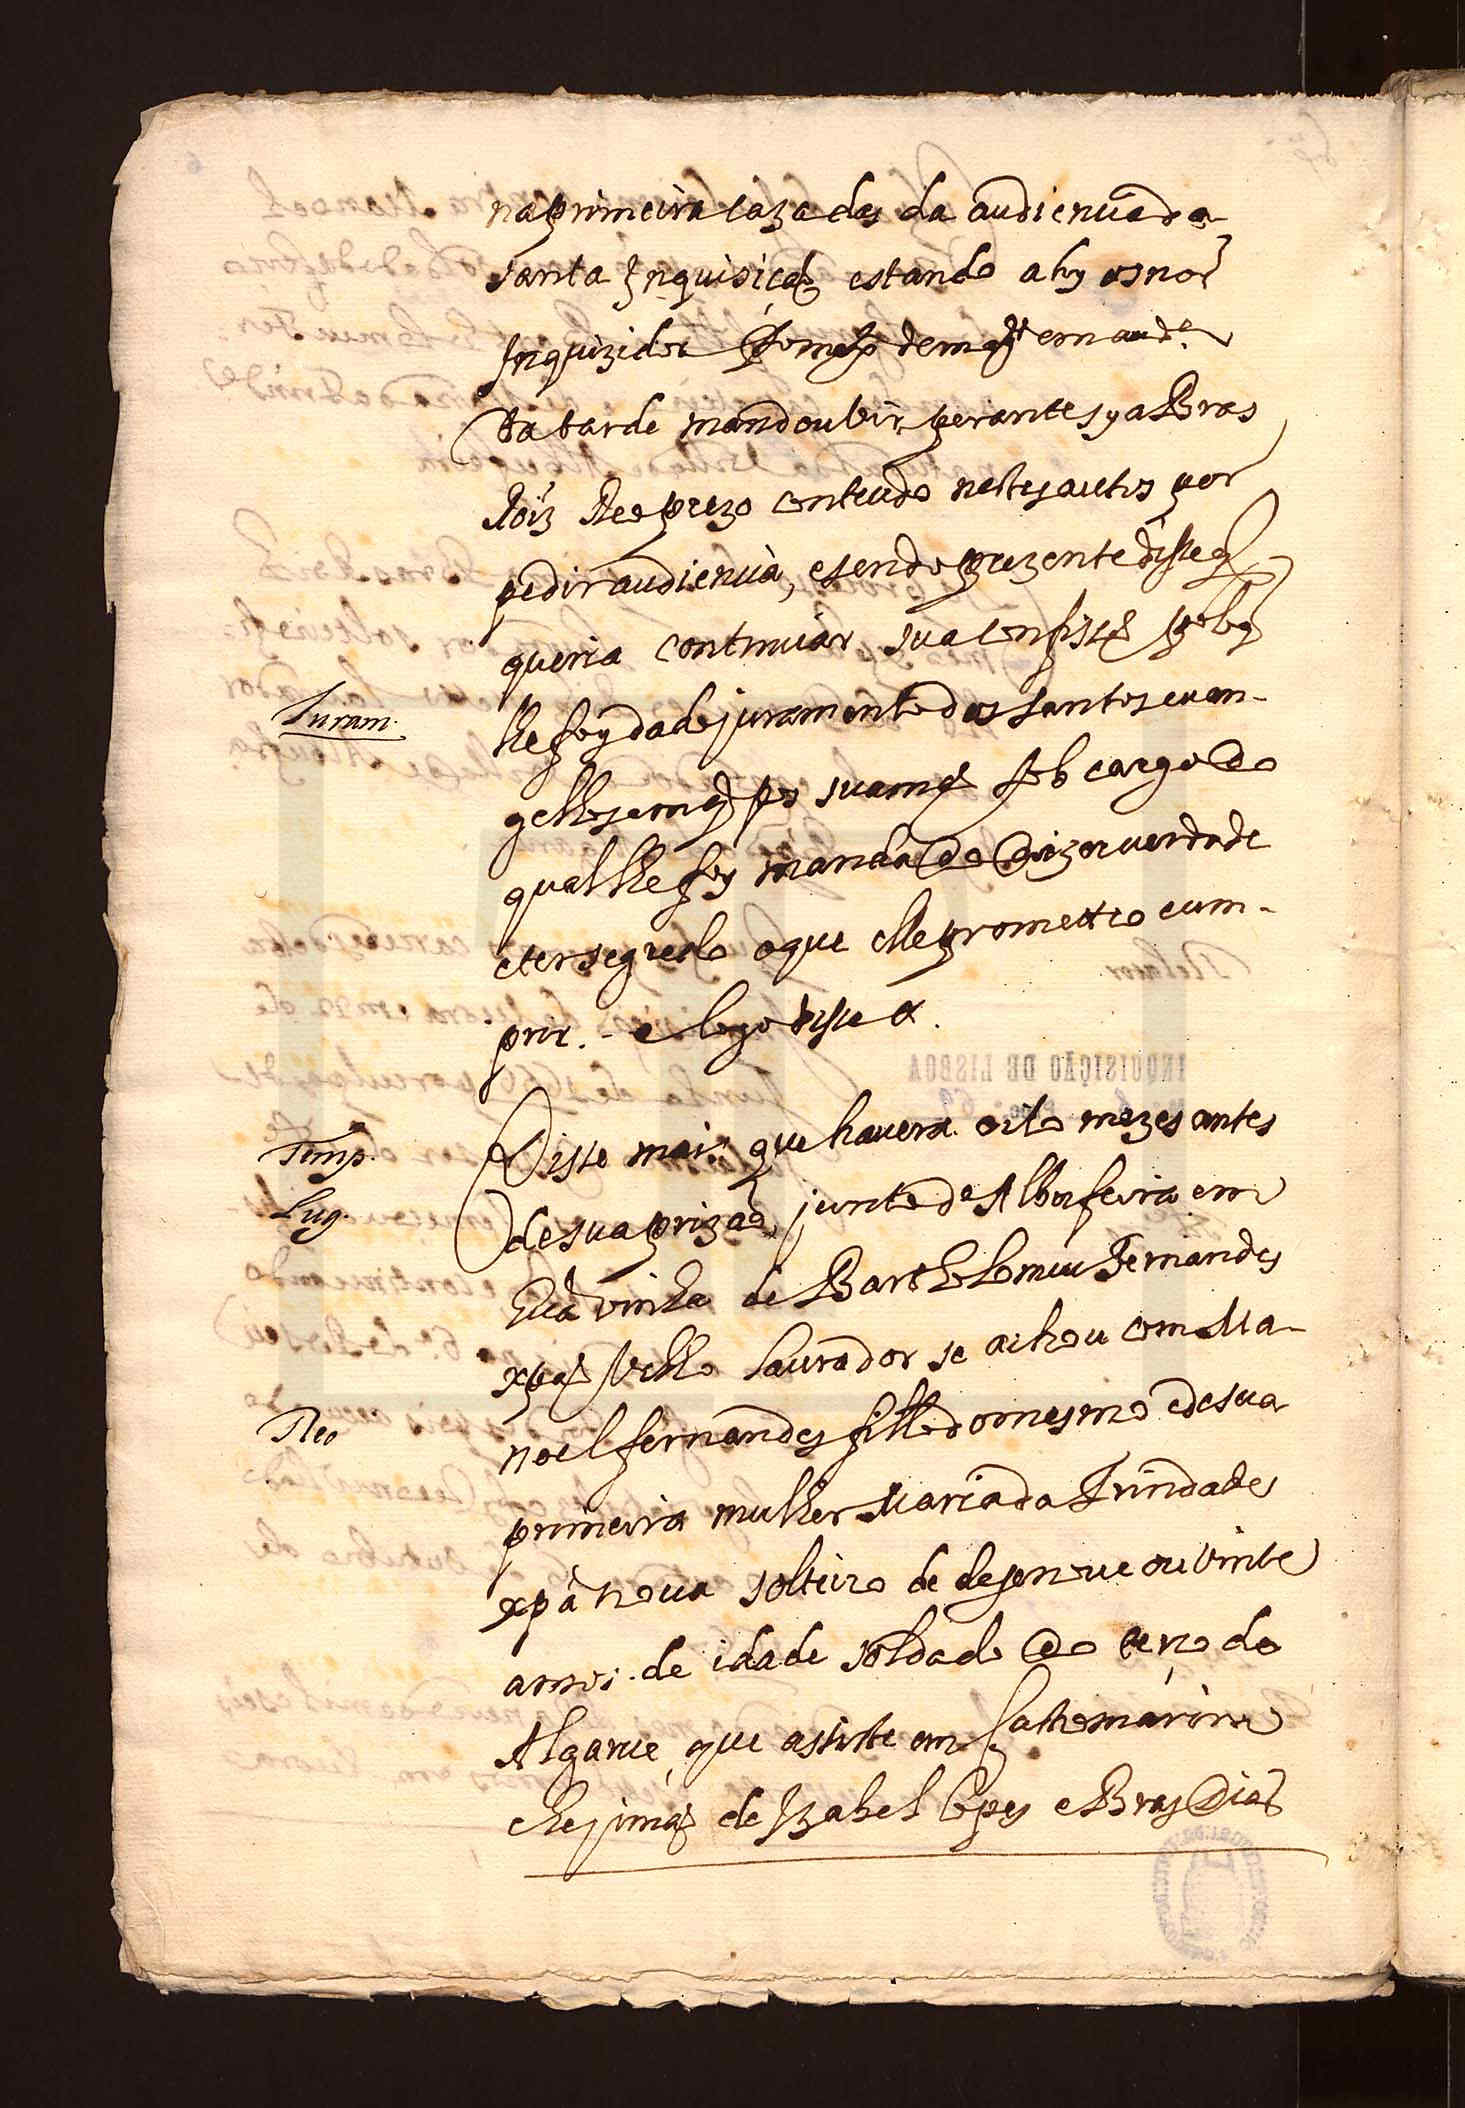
na primeira caza das da audiencia da
Santa Jnquisiçaõ estando ahy o snor̄
Jnquizidor Po Mexia de mg.es em aud.a
da tarde mandou Vir perante sy a Bras
Roiz̄ Reo prezo conteudo nestes autos por
pedir audiencia, e sendo prezente disse q̄
queria continuar sua confissaõ pelo q̄
Iuram.
lhe foy dado juramento dos Santos evan
gelhos em q̄ pos sua maõ sob cargo do
qual lhe foy mandado dizer uerdade
e ter segredo o que elle prometteo cum
prir e logo disse &.
Disse mais que havera oito mezes antes
Temp.
Lug.
de sua prizaõ junto de Albufeira em
huā vinha de Bartholomeo Fernandes
xpaõ Velho lavrador se achou com Ma
noel fernandes filho do mesmo e de sua
Reo
primeira mulher Maria da Trindade
xpa noua solteiro de dezenoue ou uinte
annos de idade soldado do terço do
Algarve, que assiste em Castro marim
e he jrmaõ de Jzabel lopes e Bras Dias
